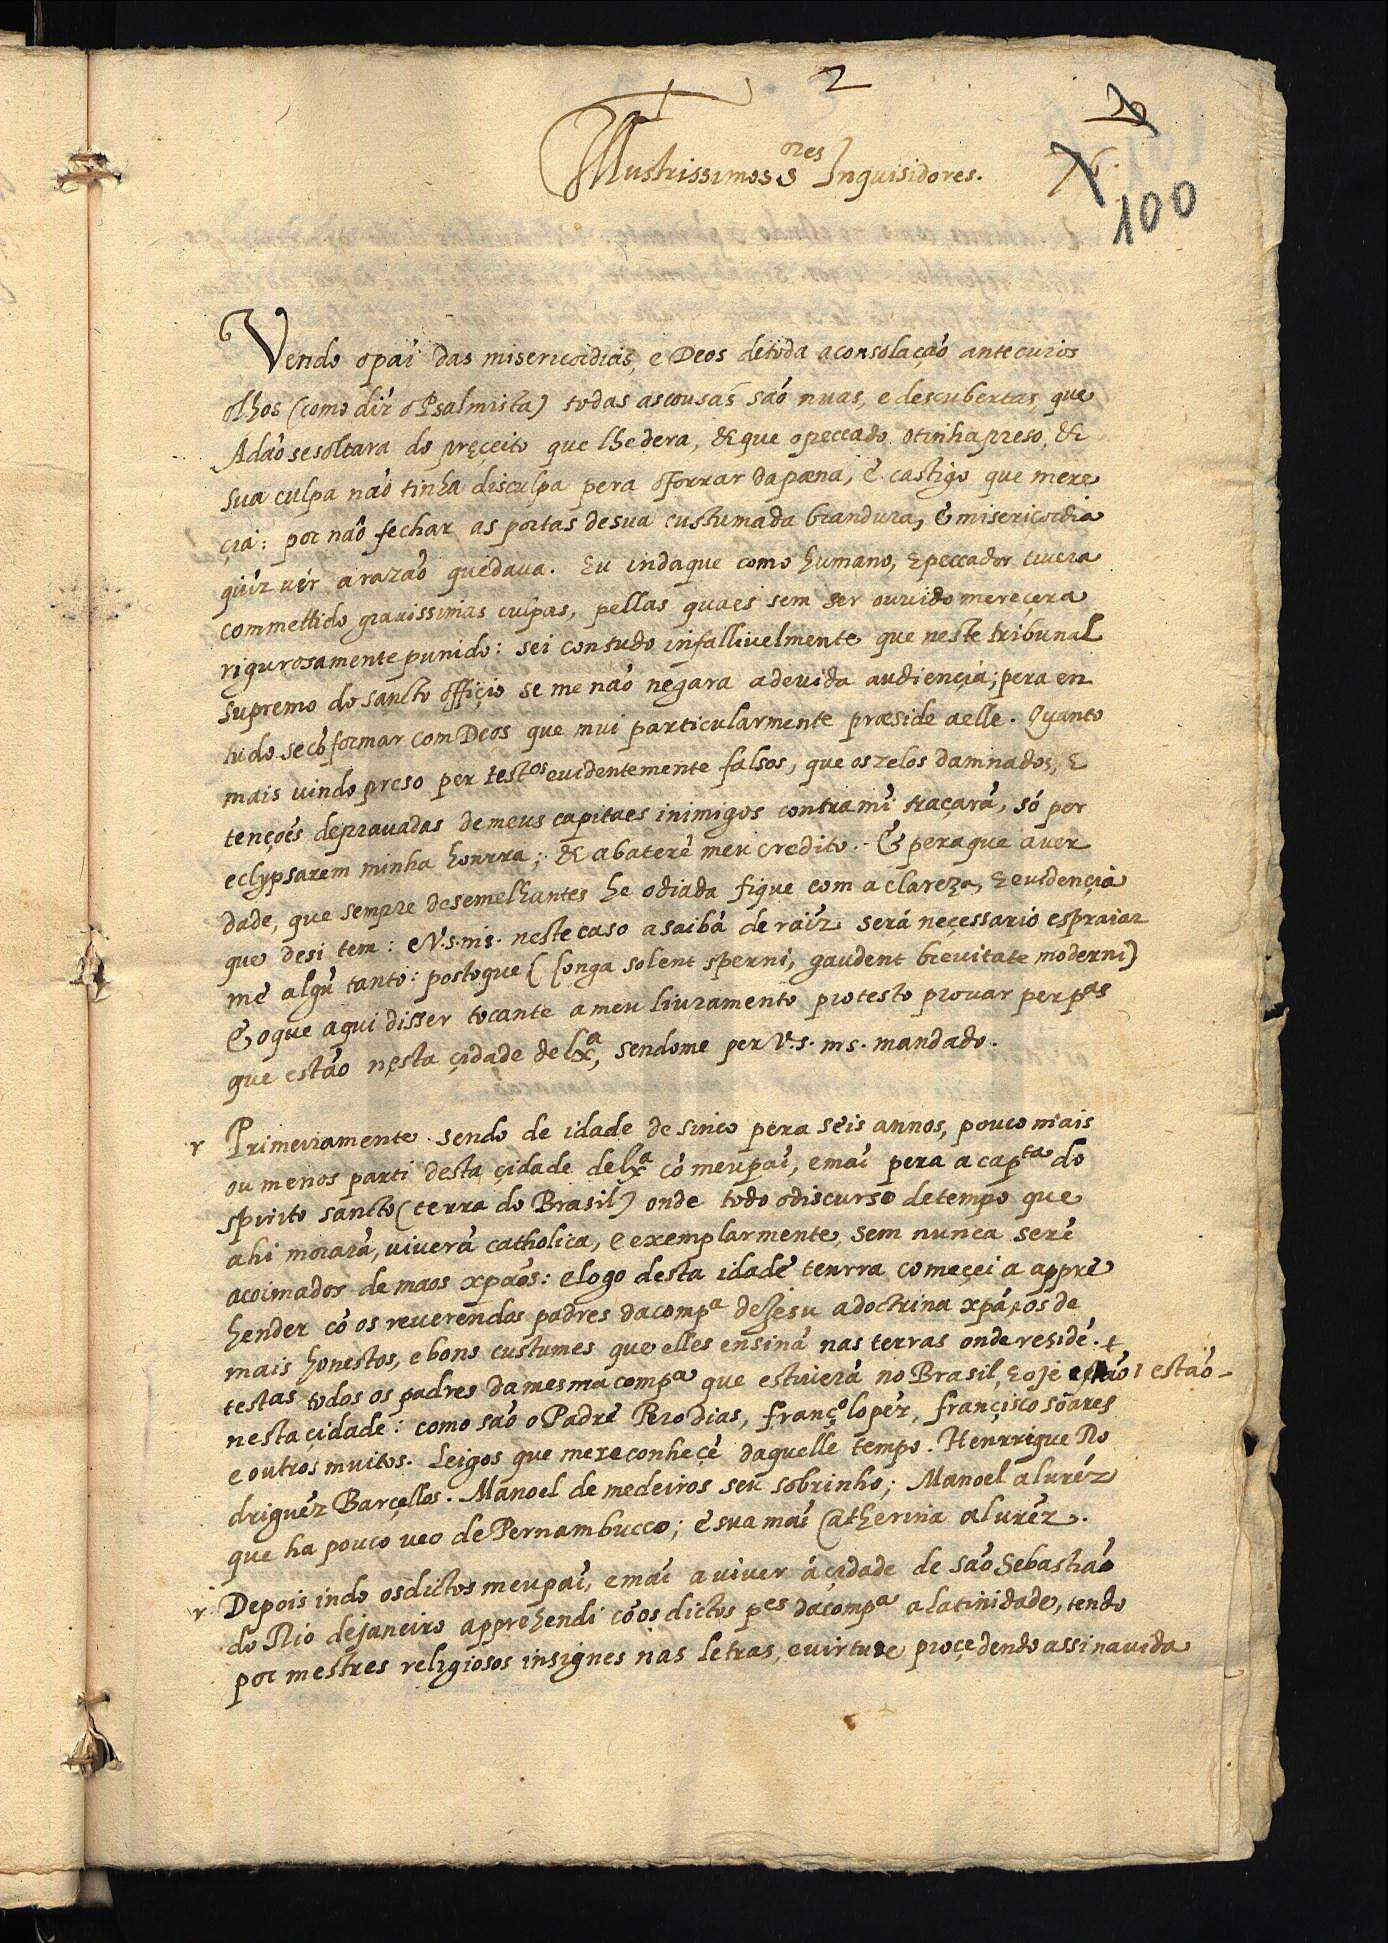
Illustrissimos sores Inquisidores
Vendo o pai das misericordias, e Deos de toda a consolaçaõ ante cuios
olhos (como diz̄ o Psalmista) todas as cousas saõ nuas, e descubertas, que
Adão se soltara do prEçeito que lhe dera, & que o peccado o tinha preso, &
sua culpa naõ tinha disculpa pera o forrar da pœna, e castigo que mere
çia: por naõ fechar as portas de sua costumada brandura, e misericordia
quiz uer a razão que daua. Eu inda que como humano, E peccador tiuera
commettido grauissimas culpas, pellas quaes sem ser ouuido mereçera
rigurosamente punido: sei contudo infalliuelmente que neste tribunaL
supremo do sancto offiçio se me não negara a deuida audiençia; pera en
tudo se cōformar com Deos que mui particularmente præside a elle. Quanto
mais uindo preso per testos euidentemente falsos, que os zelos damnados, E
tenções deprauadas de meus capitaes inimigos contra mī traçarā , só por
eclypsarem minha honrra; & abaterē meu credito. & pera que auer
dade, que sempre de semelhantes he odiada fique com a clareza, E euidençia
que de si tem: e V. s. ms. neste caso a saibā de raiz̄ será neçessario espraiar
mē algū tanto: posto que (Longa solent sperni, gaudent breuitate moderni)
E o que aqui disser tocante a meu liuramento protesto prouar per pas
que estão nesta çidade de Lxa, sendome per V.s. ms. mandado
Primeiramente sendo de idade de sinco pera seis annos, pouco mais
ou menos parti desta çidade de lxa cō meu paī, e maĩ pera a capta do
Spirito sancto (terra do Brasil) onde todo o discurso de tempo que
ahi morarā, uiuerā catholica, e exemplarmente, sem nunca serē
acoimados de maos xpãos: e logo desta idade tenrra começei a appre
hender cō os reuerendos padres da compa de Jesu a doctrina xpa,̄ os de
mais honestos, e bons custumes que elles ensinā nas terras onde residē
testas todos os padres da mesma compa que estiuerā no Brasil, E oje estaõ / estão
nesta çidade: como saõ o Padre Pero dias, franco lopez̄, françisco soares
e outros muitos. Leigos que me reconheçē daquelle tempo. Henrrique Ro
driguez̄ Barçellos. Manoel de medeiros seu sobrinho; Manoel alurez̄
que ha pouco ueo de Pernambucco; e sua mae Catherina alurez̄.
Depois indo os dictos meu paī, e maĩ a uiuer á çidade de saõ sebastiaõ
do Rio de janeiro apprehendi cō os dictos pes da compa a Latinidade, tendo
por mestres religiosos insignes nas Letras, e uirtude proçedendo assi na uida
